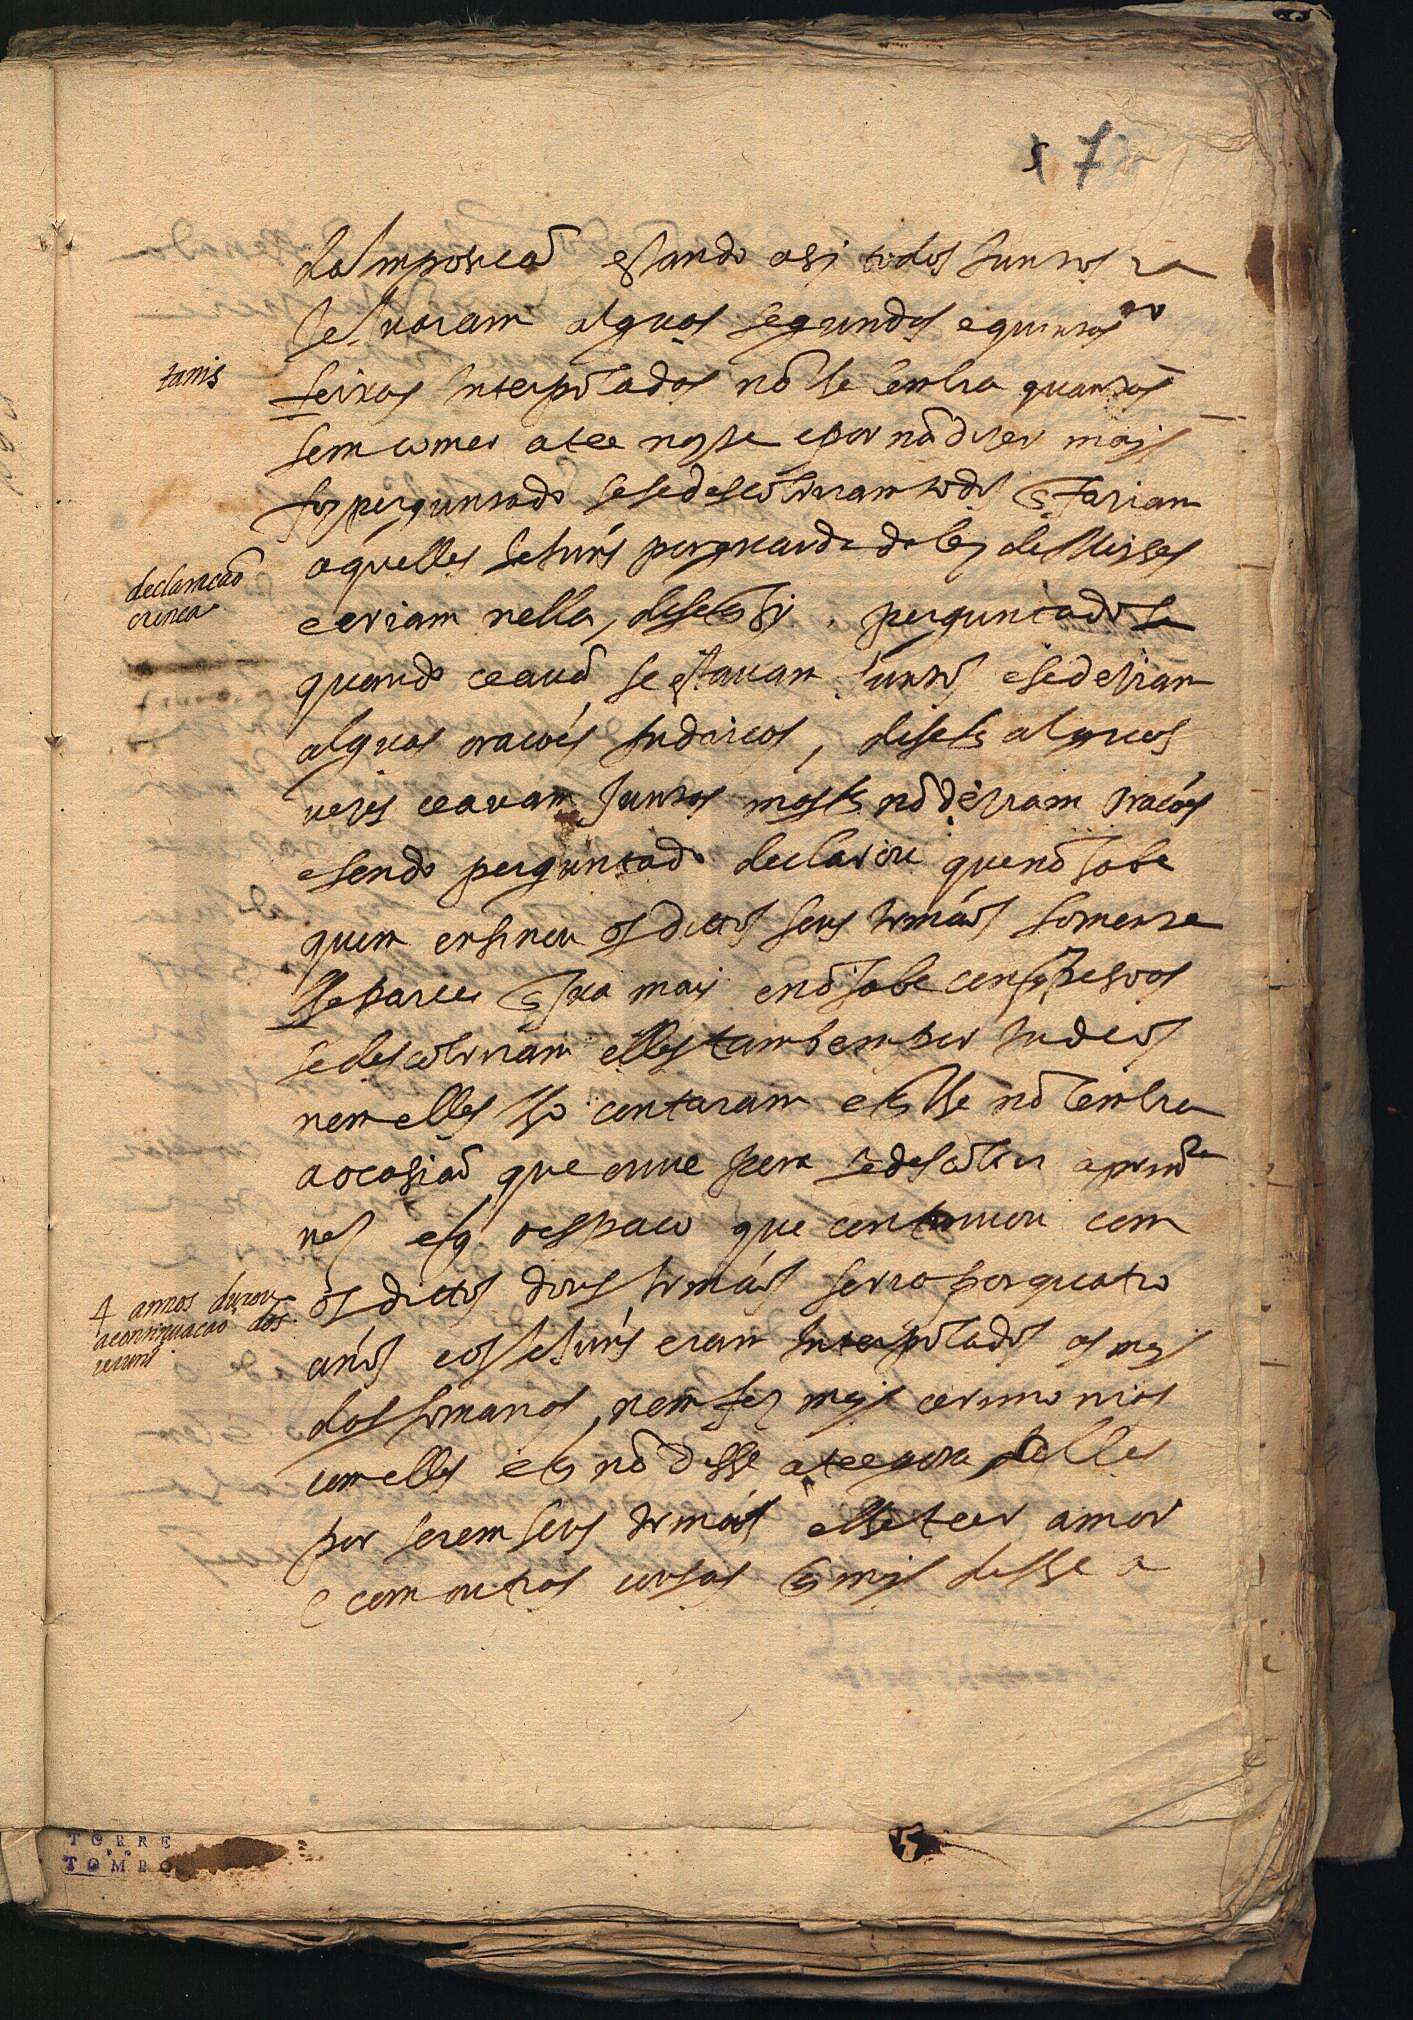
tanis
declaraçaõ
crença
4 annos durou
a continuaçaõ dos
ieiuns
da Imposiçaõ estando asj todos juntos a
IeIuaram alguas segundas e quintas
feiras Interpoladas nō se lembra quantas
sem comer atee neste e por naõ dizer mais
foJ perguntado se se descobriram todos q̄ faziam
aquelles de huns per guarda da lej de Moises
e criam nella, dise q̄ sy perguntado se
quando ceauā se estavam Iuntos e se deziam
alguas oraçoẽs judaicas, dise q̄ alguas
uezes ceauam Juntos mas q̄ nō deziam oraçoẽs
e sendo perguntado declarou que nō sabe
quem ensinou os dittos seus Irmaõs somente
lhe parece q̄ sua may e nō sabe em q̄ pesoas
se descobriram elles tambem per Iudeos
nem eles lho contaram e q̄ lhe nō lembra
a ocasiaõ que ouue pera se descobrir a primra
uez e q̄ o espaco que continuou com
os dittos dous Irmaõs seria per quatro
an̄os e aos IeIuns eram Interpolados os mes
dos somanas nem fez majs cerimonias
com elles e q̄ nō disse ateegora delle
por serem seus Irmaõs e lhe tem amor
e com outras cousas q̄ majs disse a
